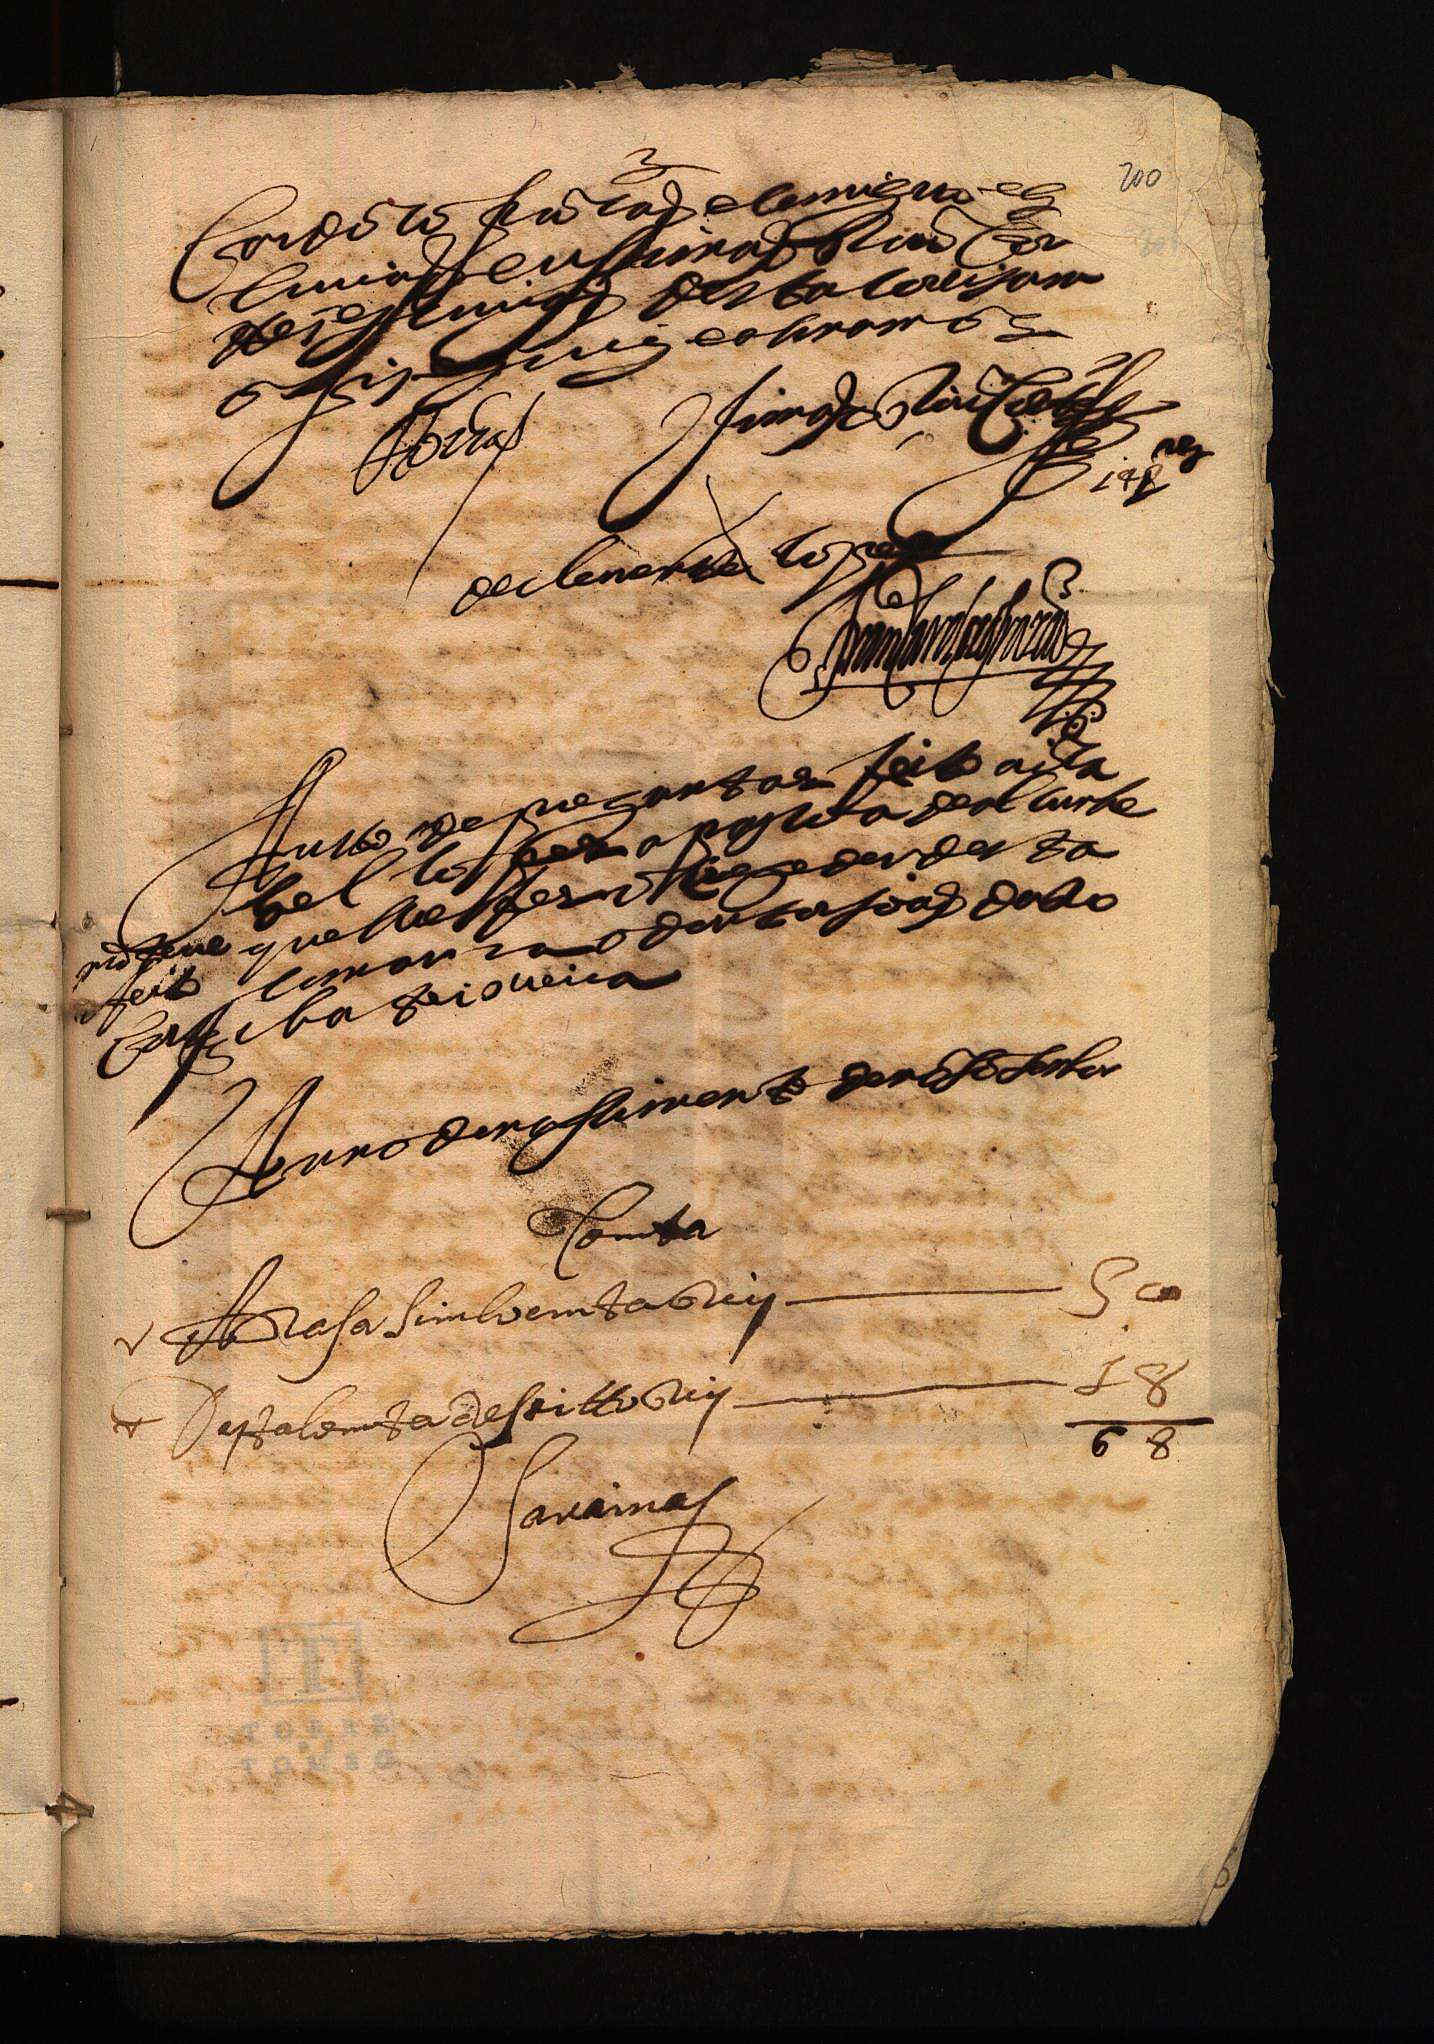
Cardozo frazaõ e comiguo es
criuaõ eu simaõ Rois̄ Cor
ttes escriuaõ desta coreisam
o fis escreuy e asinamos
Simaõ Rois̄ Cortez
Rocha
141 res
de clemente lope
Fanco Cardozo frazão
Autto de preguntas feito a iza
bel lopes a pascoa de alcunha
que lhe fes o Coregedor desta
comarca o doutor Joaõ da Ro
cha teixeira
não teue
efeito
Cortez
Anno do nascimento de noso senhor
Comta
item A Rasa simCoemta Reis
50
18
68
item Desta Comta desoitto Reis
Saraiua
